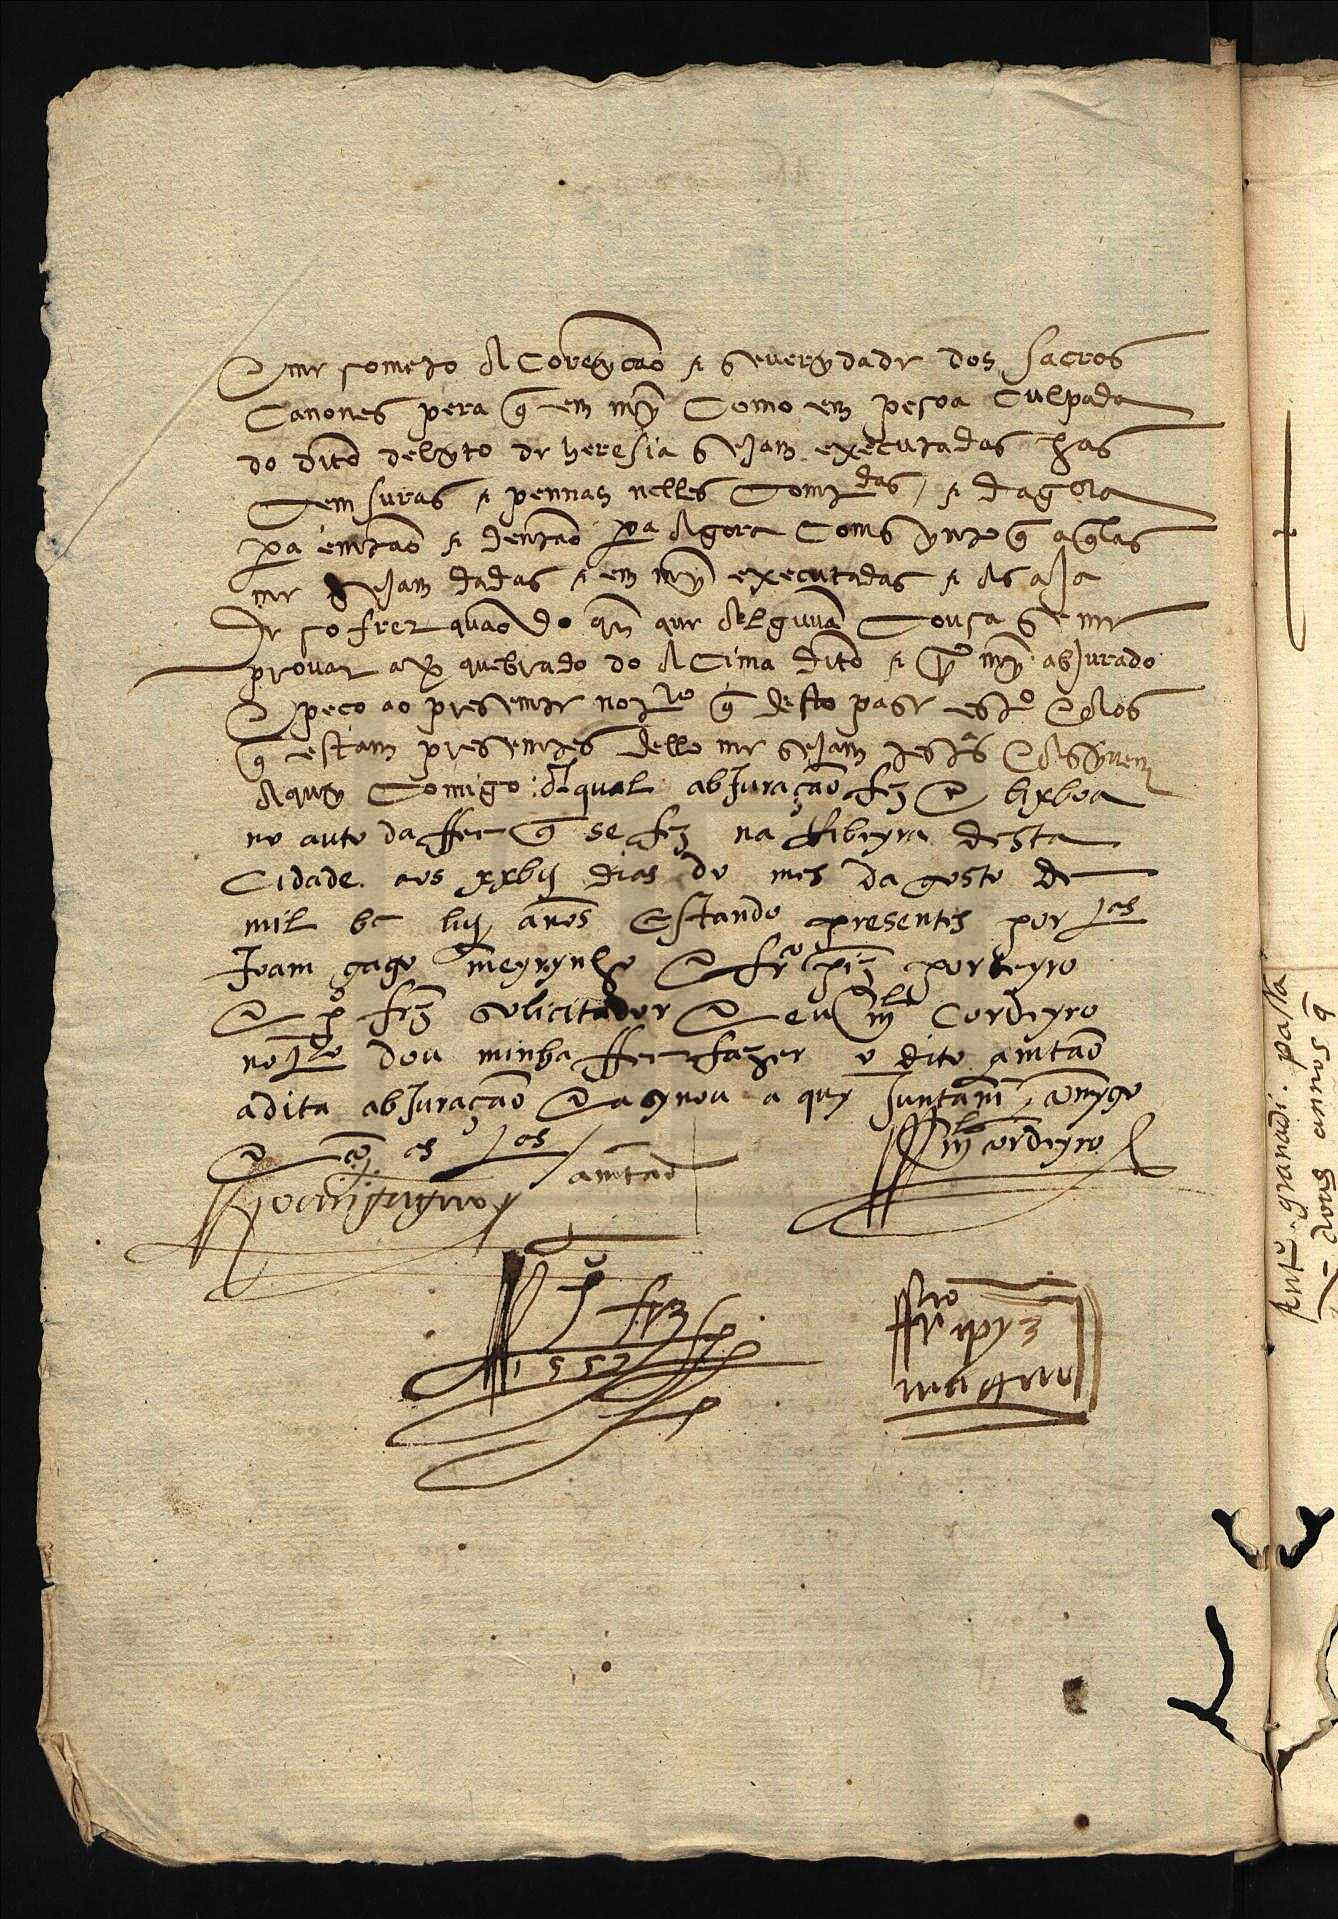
e me someto A coreyção e seuerydade dos Sacros
Canones pera q̄ em mȳ Como em pesoa culpada
do dīto delyto de heresia sejam executadas has
Cemsuras e pennas nelles Comtdas / e dagora
ꝑa emtão e dentão ꝑa Agora comsynto q̄ aq̄las
me seJam dadas e em mȳ executadas e As aJa
de sofrer quãodo q̄r que Alguūa Cousa se me
prouar aꝟ quebrado do Acima dīto e p̄o mȳ abJurado
e peço ao presemte notro q̄ desto pase esto e Aos
q̄ estam presemtes dello me seJam testas e Asynem
Aquy Comigo: A qual abJuração fez ē lixboa
no auto da ffee q̄ se fez na Ribeyra desta
Cidade aos xxbij dias do mes dagosto de
miL bc liij an̄os Estando presentes por tas
Joam gago meyrynho e frco p̄iz porteyro
e po frz̄ solicitador e eu meL Cordeyro
notro dou minha ffee fazer o dito amtão
a dita abJuração e asynou aquy Juntamte c̄omygo
e cō as tas /
mel cordeyro
amtaõ
yoam gaguo
po frz
ffrco pyz
1552
magno
